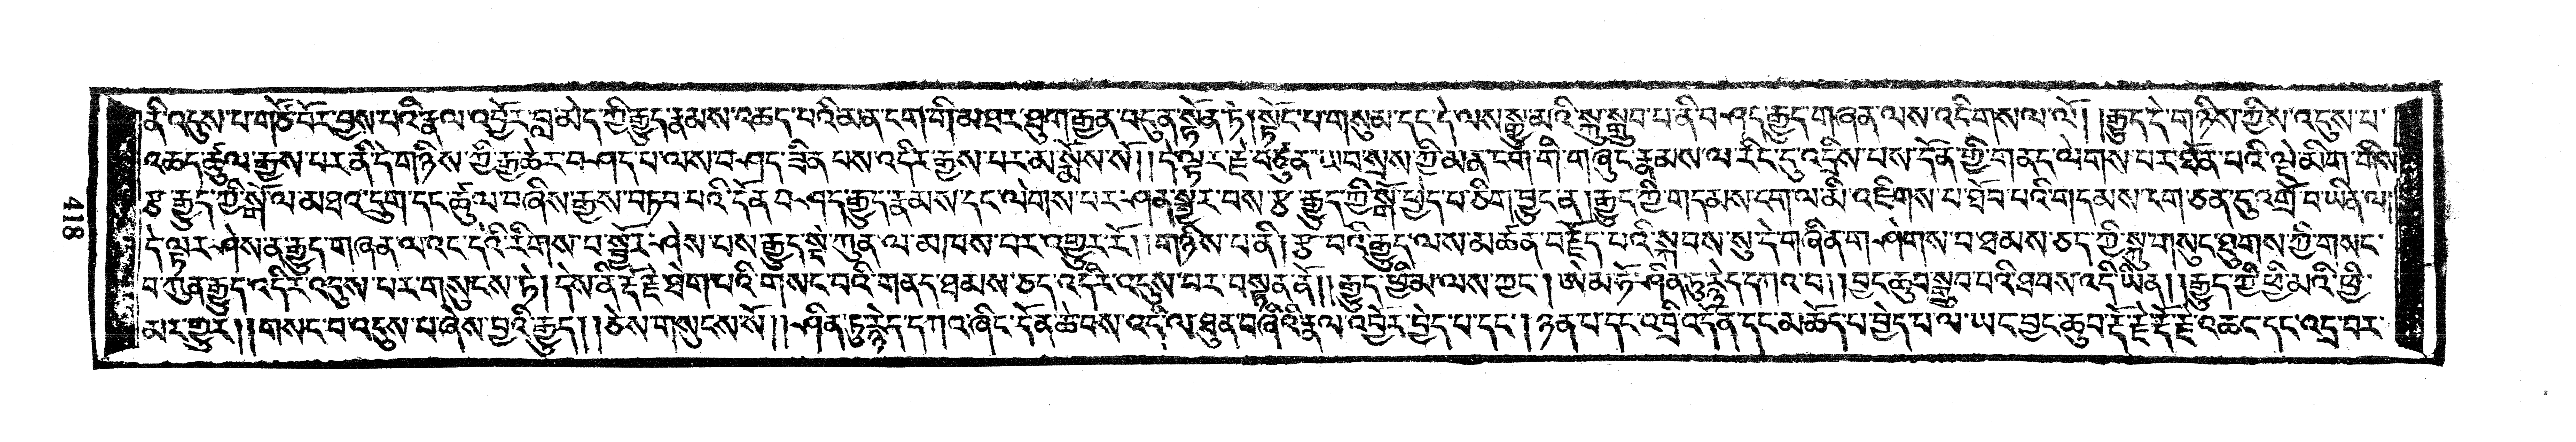ནི་འདུས་པ་གཙོ་བོར་བྱས་པའི་རྣལ་འབྱོར་བླ་མེད་ཀྱི་རྒྱུད་རྣམས་འཆད་པའི་མན་ངག་གི་མཐར་ཐུག་རྒྱན་བདུན་སྟོན་ཏེ། སྟོང་པ་གསུམ་དང་དེ་ལས་སྒྱུ་མའི་སྐུ་སྒྲུབ་པ་ནི་བཤད་རྒྱུད་གཞན་ལས་འདི་གསལ་ལོ། །རྒྱུད་དེ་གཉིས་ཀྱིས་འདུས་པ་
འཆད་ཚུལ་རྒྱས་པར་ནི་དེ་གཉིས་ཀྱི་རྒྱ་ཆེར་བཤད་པ་ལས་བཤད་ཟིན་པས་འདིར་རྒྱས་པར་མ་སྨོས་སོ། །དེ་ལྟར་རྗེ་བཙུན་ཡབ་སྲས་ཀྱི་མན་ངག་གི་གཞུང་རྣམས་ལ་རིང་དུ་འདྲིས་པས་དོན་གྱི་གནད་ལགས་པར་ཐོན་པའི་ལྡེ་མིག་གིས་
རྩ་རྒྱུད་ཀྱི་སྒོ་ལ་མཐའ་དྲུག་དང་ཚུལ་བཞིས་རྒྱས་བཏབ་པའི་དོན་བཤད་རྒྱུད་རྣམས་དང་ལེགས་པར་ཤན་སྦྱར་བས་རྩ་རྒྱུད་ཀྱི་སྒོ་ཕྱེད་པ་ཅིག་བྱུང་ན། རྒྱུད་ཀྱི་གདམས་ངག་ལ་མི་འཇིགས་པ་ཐོབ་པའི་གདམས་ངག་ཅན་དུ་འགྲོ་བ་ཡིན་ལ།
དེ་ལྟར་ཤེས་ན་རྒྱུད་གཞན་ལའང་དེའི་རིགས་པ་སྦྱོར་ཤེས་པས་རྒྱུད་སྡེ་ཀུན་ལ་མཁས་པར་འགྱུར་རོ། །གཉིས་པ་ནི། རྩ་བའི་རྒྱུད་ལས་མཚན་བརྗོད་པའི་སྐབས་སུ་དེ་བཞིན་གཤེགས་པ་ཐམས་ཅད་ཀྱི་སྐུ་གསུང་ཐུགས་ཀྱི་གསང་
བ་ཀུན་རྒྱུད་འདིར་འདུས་པར་གསུངས་ཏེ། དེས་ནི་རྡོ་རྗེ་ཐེག་པའི་གསང་བའི་གནད་ཐམས་ཅད་འདིར་འདུས་པར་བསྟན་ནོ། །རྒྱུད་ཕྱི་མ་ལས་ཀྱང་། ཨེ་མ་ཧོ་ཤིན་ཏུ་རྙེད་དཀའ་བ། །བྱང་ཆུབ་སྒྲུབ་པའི་ཐབས་འདི་ཡིན། །རྒྱུད་ཀྱི་ཕྱི་མའི་ཕྱི་
མར་གྱུར། །གསང་བ་འདུས་པ་ཞེས་བྱའི་རྒྱུད། །ཅེས་གསུངས་སོ། །ཤིན་ཏུ་རྙེད་དཀའ་ཞིང་དོན་ཆེ་བས་འདི་ལ་ཐུན་བཞིའི་རྣལ་འབྱོར་བྱེད་པ་དང་། ཉན་པ་དང་འདྲི་འདོན་དང་མཆོད་པ་བྱེད་པ་ལ་ཡང་བྱང་ཆུབ་རྡོ་རྗེ་རྡོ་རྗེ་འཆང་དང་འདྲ་བར་